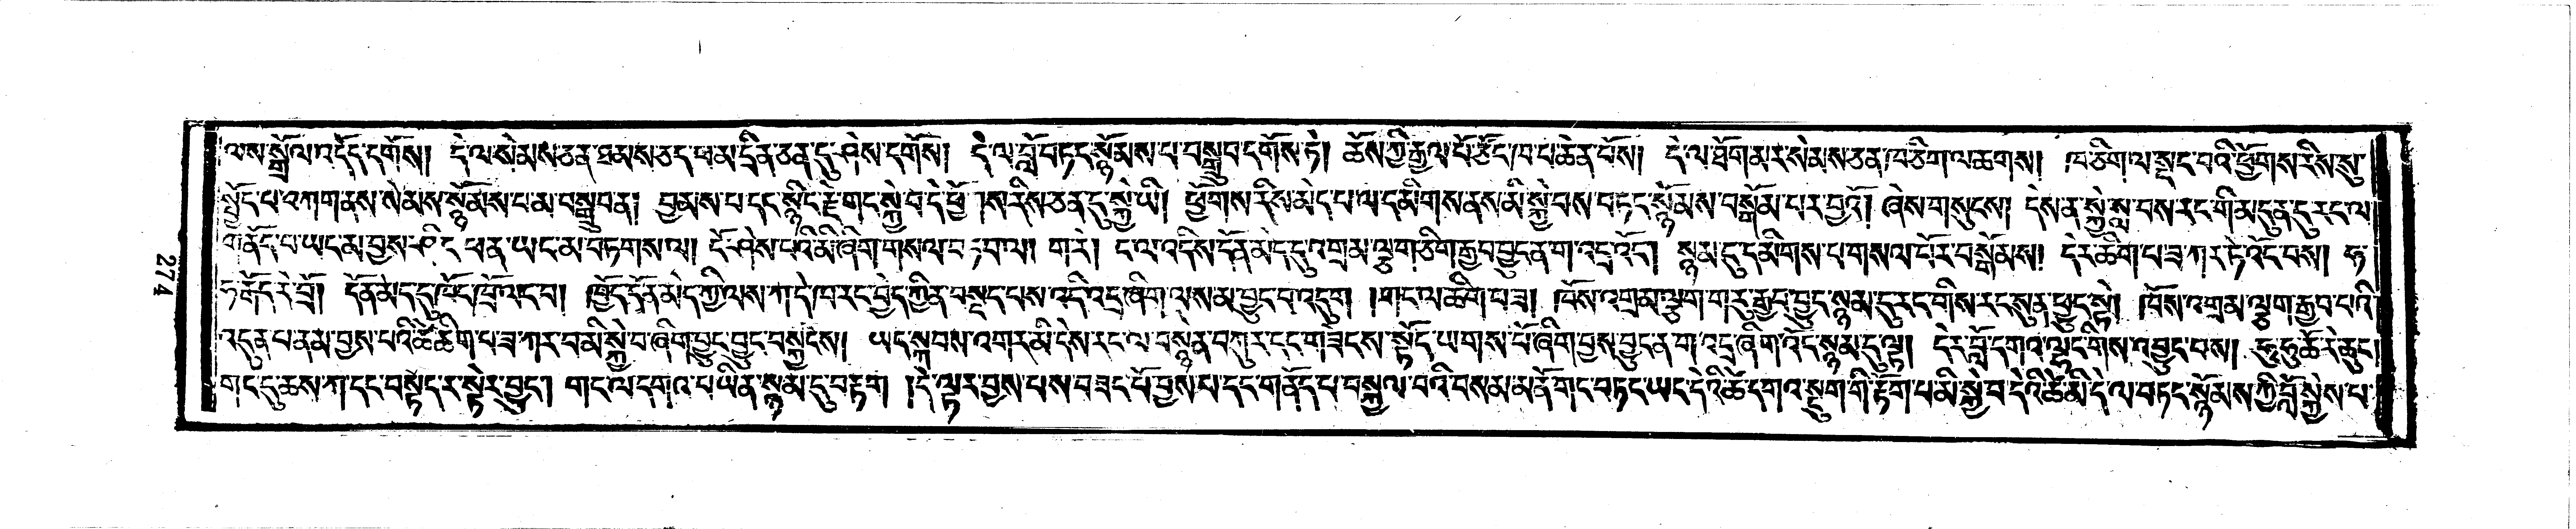ལས་སྒྲོལ་འདོད་དགོས། དེ་ལ་སེམས་ཅན་ཐམས་ཅད་ཕ་མ་དྲིན་ཅན་དུ་ཤེས་དགོས། དེ་ལ་བློ་བཏང་སྙོམས་པ་བསྒྲུབ་དགོས་ཏེ། ཆོས་ཀྱི་རྒྱལ་པོ་ཙོང་ཁ་པ་ཆེན་པོས། དེ་ལ་ཐོག་མར་སེམས་ཅན་ཁ་ཅིག་ལ་ཆགས། ཁ་ཅིག་ལ་སྡང་བའི་ཕྱོགས་རིས་སུ་
སྤྱོད་པ་བཀག་ནས་སེམས་སྙོམས་པ་མ་བསྒྲུབ་ན། བྱམས་པ་དང་སྙིང་རྗེ་གང་སྐྱེ་བ་དེ་ཕྱོགས་རིས་ཅན་དུ་སྐྱེ་ཡི། ཕྱོགས་རིས་མེད་པ་ལ་དམིགས་ནས་མི་སྐྱེ་བས་བཏང་སྙོམས་བསྒོམ་པར་བྱའོ། ཞེས་གསུངས། དེས་ན་སྐྱེ་སླ་བས་རང་གི་མདུན་དུ་རང་ལ་
གནོད་པ་ཡང་མ་བྱས་ཤིང་ཕན་ཡང་མ་བཏགས་ལ། ངོ་ཤེས་པའི་མི་ཞིག་གསལ་བཏབ་ལ། ག་རེ། ང་ལ་འདིས་དོན་མེད་དུ་འགྲམ་ལྕག་ཅིག་རྒྱབ་བྱུང་ན་ག་འདྲ་འོང་། སྙམ་དུ་དམིགས་པ་གསལ་པོར་བསྒོམས། དེར་ཚིག་པ་ཟ་ཀར་ཏེ་འོང་བས། ཧ་
ཧ་རྒོད་རེ་བྲོ། དོན་མེད་དུ་ཁོང་ཁྲོ་ལང་བ། ཁྱོད་དོན་མེད་ཀྱི་ལས་ཀ་དེ་ཁ་རང་བྱེད་ཀྱིན་བསྡད་པས་འདི་འདྲ་ཞིག་ལས་མ་བྱུང་བ་འདུག །གང་ལ་ཚིག་བ་ཟ། ཁོས་འགྲམ་ལྕག་ག་རུ་རྒྱབ་བྱུང་སྙམ་དུ་རང་གིས་རང་སུན་ཕྱུང་སྟེ། ཁོས་འགྲམ་ལྕག་རྒྱབ་པའི་
འདུན་པ་ནམ་བྱས་པའི་ཚེ་ཚིག་པ་ཟ་ཀར་བ་མི་སྐྱེ་བ་ཞིག་བྱུང་བྱུང་བསྐྱངས། ཡང་སྐབས་འགར་མི་དེས་རང་ལ་བསྙེན་བཀུར་དང་གཟེངས་སྟོད་ཡགས་པོ་ཞིག་བྱས་བྱུང་ན་ག་འདྲ་ཞིག་འོང་སྙམ་དུ་ལྟ། དེར་བློ་དགའ་ལྷང་གིས་འབྱུང་བས། ཧུ་ཧུ་ཆོ་རེ་ཆུང་
གང་དུ་ཆས་ཀ་དང་བསྟད་ར་སྟེར་བྱུང་། གང་ལ་དགའ་པ་ཡིན་སྙམ་དུ་བརྟག །དེ་ལྟར་བྱས་པས་བཟང་པོ་བྱས་པ་དང་གནོད་པ་བསྐྱལ་བའི་བསམ་མནོ་གང་བཏང་ཡང་དེའི་ཆོ་དགའ་སྡུག་གི་རྟོག་པ་མི་སྐྱེ་བ་དེའི་ཚེ་མི་དེ་ལ་བཏང་སྙོམས་ཀྱི་བློ་སྐྱེས་པ་